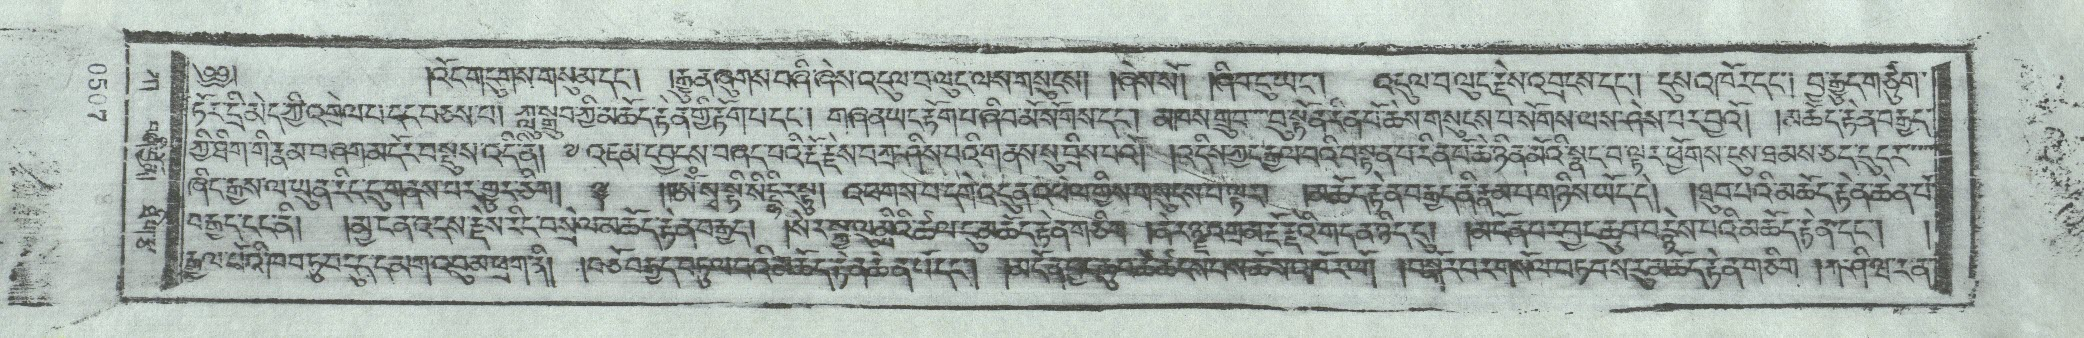༄༅། །འོང་གདུགས་གསུམ་དང་། །རྐྱུན་ཞུགས་བཞི་ཞེས་འདུལ་བ་ལུང་ལས་གསུངས། །ཞེས་སོ། །ཞིབ་དུ་ཡང་། འདུལ་བ་ལུང་རྗེས་འབྲངས་དང་། དུས་འཁོར་དང་། བྱ་རྒྱུད་གཙུས་
ཏོར་དྲི་མེད་ཀྱི་འགྲེལ་བ་དང་བཅས་པ། ཀླུ་སྒྲུབ་ཀྱི་མཆོད་རྟེན་གྱི་རྟོག་པ་དང་། གཞན་ཡང་རྟོག་པ་ཞིབ་མོ་སོགས་དང་། མཁས་གྲུབ་བུ་སྟོན་རིན་པོ་ཆེས་གསུངས་བ་སོགས་ལས་ཤེས་བར་བྱའོ། །མཆོད་རྟེན་བརྒྱང་
ཀྱི་ཐིག་གི་རྣམ་བཞག་མདོར་བསྡུས་འདི་ནི། ༧་འཇམ་དབྱངས་བཞད་པའི་རྡོ་རྗེས་བཀྲ་ཤིས་པའི་གནས་སུ་བྲིས་པའོ། །འདིས་ཀྱང་རྒྱལ་བའི་བསྟན་པ་རིན་པོ་ཆེ་ཉིན་མོའི་སྣང་བ་ལྟར་ཕྱོགས་དུས་ཐམས་ཅད་དུ་དར་
ཞིང་རྒྱས་ལ་ཡུན་རིང་དུ་གནས་བར་གྱུར་ཅིག། ༈ །།ཨོཾ་སྭ་སྟི་སི་དྡྷི་ར་སྟུ་?། འཕགས་པ་དགེ་འདུན་འཕེལ་གྱིས་གསུངས་པ་ལྟར། །མཆོད་རྟེན་བརྒྱད་ནི་རྣམ་པ་གཉིས་ཡོད་དེ། །ཐུབ་པའི་མཆོད་རྟེན་ཆེན་པོ་
བརྒྱད་དང་ནི། །མྱ་ངན་འདས་རྗེས་རིང་བསྲེལ་མཆོད་རྟེན་བརྒྱད། །སེར་སྐྱ་ལུ་མྤིའི་ཚལ་དུ་མཆོད་རྟེན་གཅིག། །ནེ་རྙྫ་འགྲམ་རྡོ་རྗེའི་གདན་ཉིད་དུ། །མངོན་བར་བྱང་ཆུབ་བརྙེས་པའི་མཆོད་རྟེན་དང་། །
རྒྱལ་པོའི་ཁབ་ཏུབ་དུད་དམག་འབུམ་ཕྲག་ནི། །བཅོ་བརྒྱད་བཏུལ་བའི་མཆོད་རྟེན་ཆེན་པོ་དང་། །མངོན་བྱང་ཆུབ་ཚེ་ཚངས་པས་ཆོས་འཁོར་ལོ། །བསྐོར་བར་གསོལ་བཏབས་རུ་མཆོད་རྟེན་གཅིག །ཀ་ཤི་ཝར??